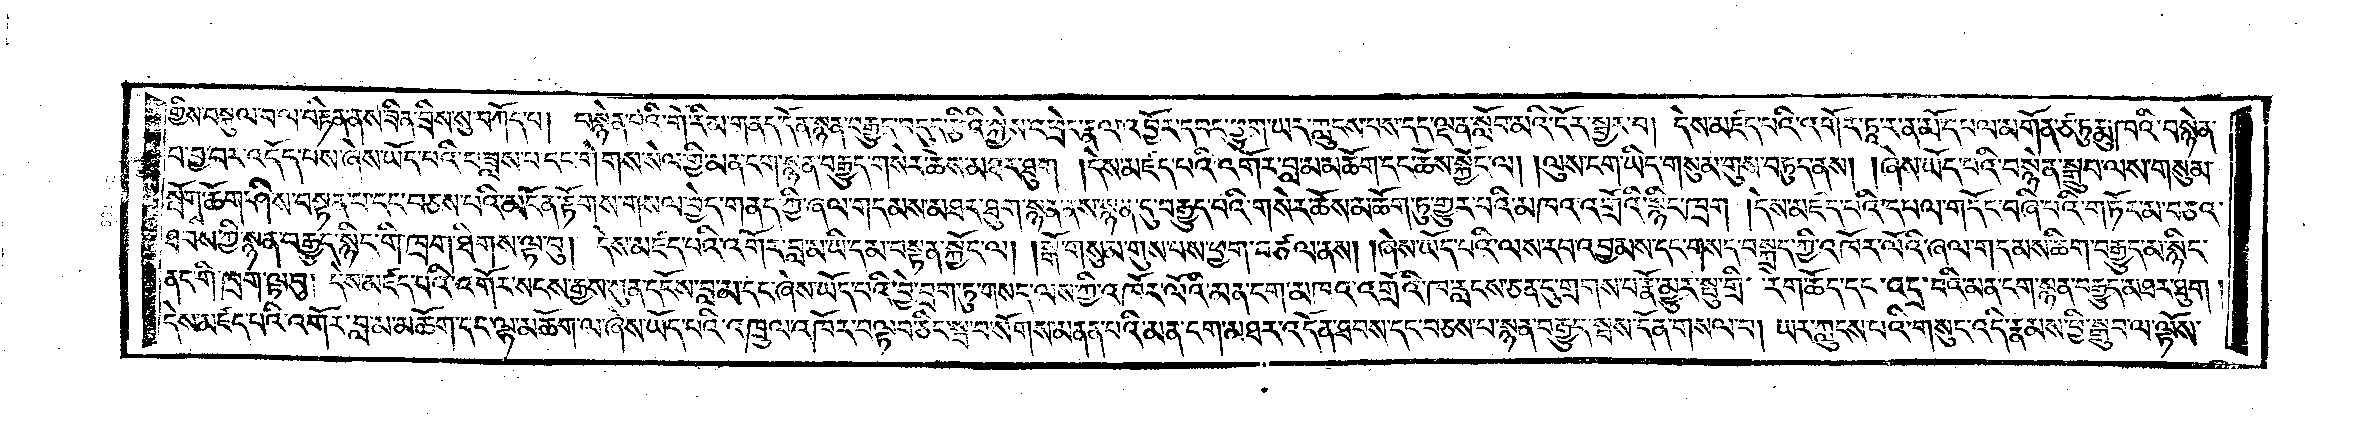གྱིས་བསྐུལ་བ་ལ་བརྟེན་ནས་ཟིན་བྲིས་སུ་བཀོད་པ། བསྙེན་པའི་གོ་རིམ་གནད་དོན་སྙན་བརྒྱུད་བདུད་རྩིའི་སྐྱེས་འཕྲེང་རྣལ་འབྱོར་དབང་ཕྱུག་ཡར་ཀླུངས་པས་དད་ལྡན་སློབ་མའི་དོར་སྦྱར་བ། དེས་མཛད་པའི་འགོར་ཏཱ་ར་ན་མོ་དཔལ་མགོན་ཙ་ཏུ་རྨུ་ཁའི་བསྙེན་
བ་བྱ་བར་འདོད་པས་ཞེས་ཡོད་པའི་བཟླས་པ་དང་གེགས་སེལ་གྱི་མན་ངག་སྙན་བརྒྱུད་གསེར་ཆེས་མཐར་ཐུག །དེས་མཛད་པའི་འགོར་བླ་མ་མཆོག་དང་ཆོས་སྐྱོང་ལ། །ལུས་ངག་ཡིད་གསུམ་གུས་བཏུད་ནས། །ཞེས་ཡོད་པའི་བསྙེན་སྒྲུབ་ལས་གསུམ་
སྤོགས་ཆོག་ཤིས་བསྟན་པ་དང་བཅས་པའི་མངོན་རྟོགས་གསལ་བྱེད་གནད་ཀྱི་ཞལ་གདམས་མཐར་ཐུག་སྙན་ནས་སྙན་དུ་བརྒྱུད་པའི་གསེར་ཆོས་མཆོག་ཏུ་གྱུར་པའི་མཁའ་འགྲོའི་སྙིང་ཁྲག །དེས་མཛད་པའི་དཔལ་གདོང་བཞི་པའི་གཏོར་མ་བཅའ་
ཐབས་ཀྱི་སྙན་བརྒྱུད་སྙིང་གི་ཁྲག་ཐིགས་ལྟ་བུ། དེས་མཛད་པའི་འགོར་བླ་མ་ཡི་དམ་བསྟན་སྐྱོང་ལ། །སྒོ་གསུམ་གུས་པས་ཕྱག་བཙལ་ནས། །ཞེས་ཡོད་པའི་ལས་རབ་འབྱམས་དང་གསད་བསྐྲད་ཀྱི་འཁོར་ལོའི་ཞལ་གདམས་ཚིག་བརྒྱུད་མ་སྙིང་
ནང་གི་ཁྲག་ལྟ་བུ། དེས་མཛད་པའི་འགོར་སངས་རྒྱས་ཀུན་དངོས་བླ་མ་དང་ཞེས་ཡོད་པའི་བྱེ་བྲག་ཏུ་གསད་ལས་ཀྱི་འཁོར་ལོའི་མན་ངག་མཁའ་འགྲོའི་ཁ་རླངས་ཅན་དུ་གྲགས་པ་རྣོ་མྱུར་སྤུ་གྲི་རིག་ཆོད་དང་འདྲ་བའི་མན་ངག་སྙན་བརྒྱུད་མཐར་ཐུག།
དེས་མཛད་པའི་འགོར་བླ་མ་མཆོག་དང་ལྟ་མཆོག་ལ་ཞེས་ཡོད་པའི་འཁྲུལ་འཁོར་བལྟ་བ་ཅིང་སྦ་བ་སོགས་མནན་པའི་མན་ངག་མཐར་འདོན་ཐབས་དང་བཅས་པ་སྙན་བརྒྱུད་སྤས་དོན་གསལ་བ། ཡར་ཀླུངས་པའི་གསུང་འདི་རྣམས་ཕྱི་སྒྲུབ་ལ་ལྟོས་